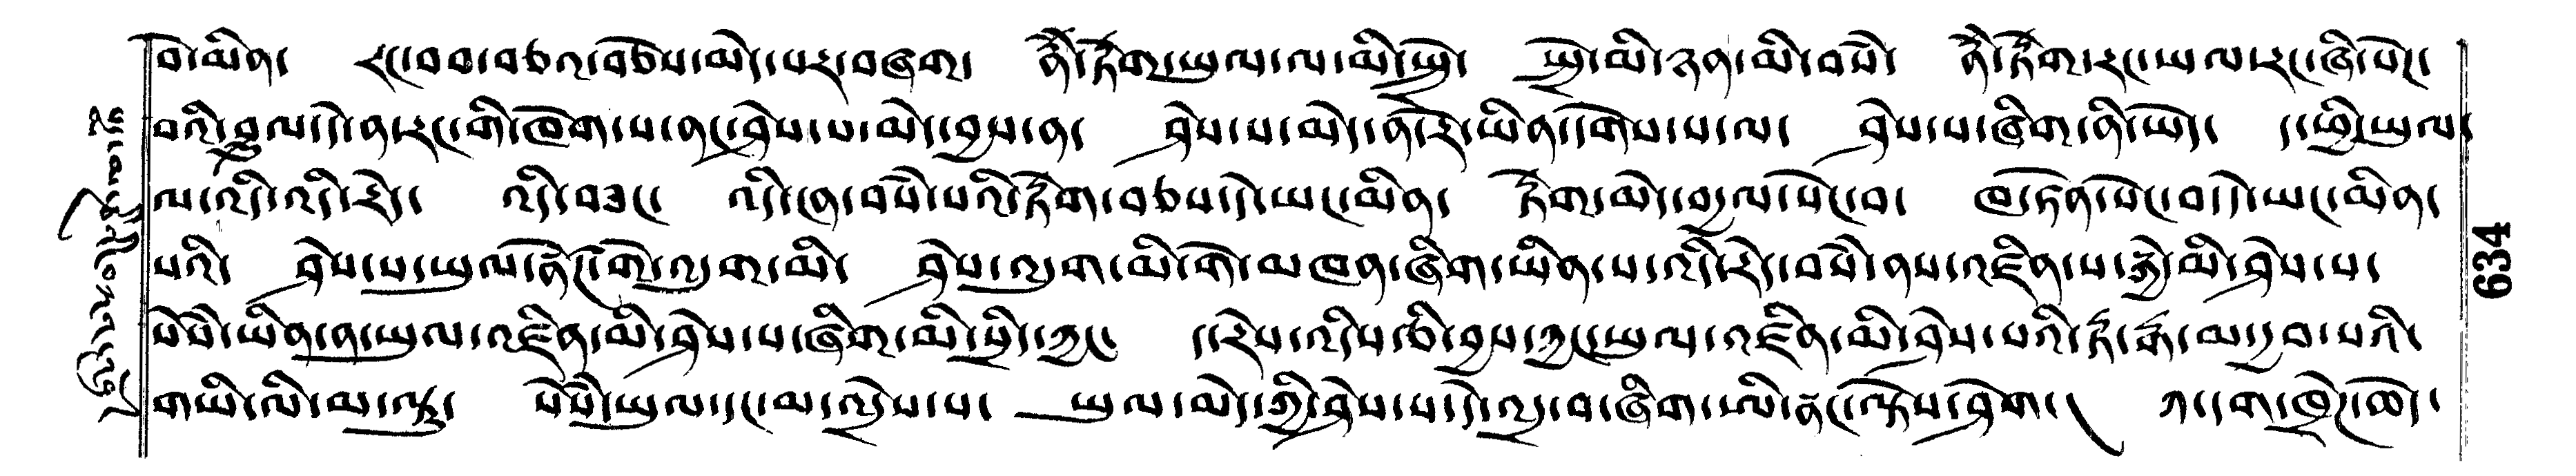བོ་མིན། རང་བབས་བཅས་བཅོས་མེད་པར་བཞག རྣམ་རྟོག་ཡུལ་ལ་མི་སྤྲོ། སྤྲོ་མི་ཉན་མི་བསམ། རྣམ་རྟོག་རང་ཡལ་རང་ཞིར་སོང་
བའི་ཤུལ་དེ་ན་རང་གི་ཁོག་པ་ནང་ཤེས་པའི་མེད་བྱས་ན། ཤེས་པ་མེད་ན་རོ་ཡིན་དགོས་པ་ལ། ཤེས་པ་ཞིག་ནི་ཡོད། ད་ཕྱི་ཡུལ་
ལ་འདི་འདི་རེད། འདི་བཟང་། འདི་ངན་བསམ་པའི་རྟོག་བཅས་ཏེ་ཡང་མིན། རྟོག་མེད་བརྒྱལ་སོང་བ། ཁ་ཧོན་སོང་བ་དེ་ཡང་མིན་
པའི་ཤེས་པ་ཡུལ་སྣ་ཚོགས་གོ་འདུག་མི། ཤེས་འདུག་མི་གོ་མཁན་ཞིག་ཡིན་པ་འདི་རེད་བསམ་ནས་འཛིན་པས་སྐྱེ་མི་ཤེས་པ་
སེམས་ཡིན་ན་ཡུལ་འཛིན་མི་ཤེས་པ་ཞིག་མི་སྲིད་ཀྱང་། ད་རེས་འདིས་ཅི་བྱས་ཀྱང་ཡུལ་འཛིན་མི་ཤེས་པའི་རྟ་རྒ་མ་རྒྱབ་པའི་
གཡི་ལི་མ་ལྟ་བུ། སེམས་ཡུལ་དང་མ་འདྲེས་པ། ཡུལ་མེད་ཀྱི་ཤེས་པ་དེ་འདྲ་བ་ཞིག་ཨི་སྣང་ལྟོས་ཤོག ཀ་དག་ཁྲེགས་ཆོད་